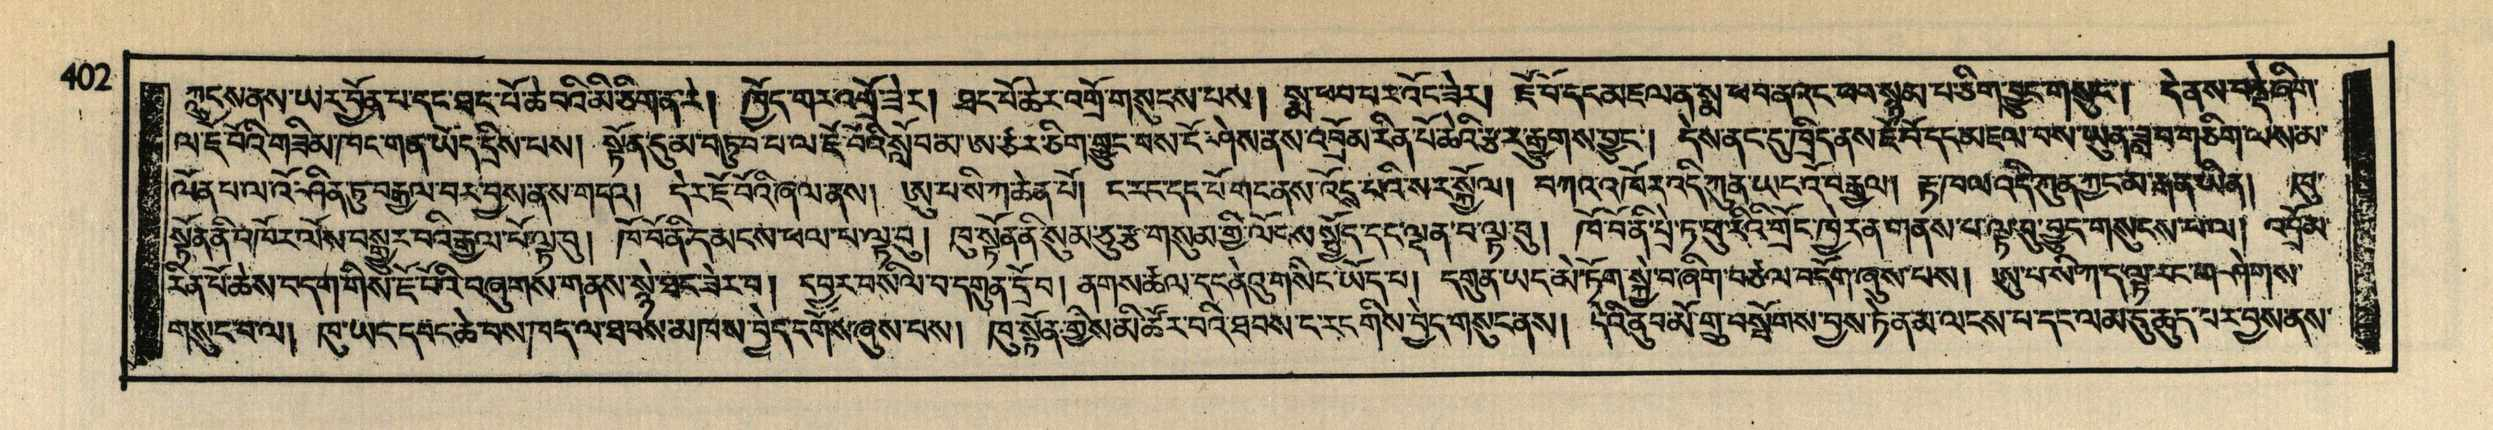ཀླུངས་ནས་ཡར་བྱོན་པ་དང་ཐང་པོ་ཆེ་བའི་མི་ཅིག་ན་རེ། ཁྱོད་གར་འགྲོ་ཟེར། ཐང་པོ་ཆེར་འགྲོ་གསུངས་པས། སྨ་ཕབ་པར་འོད་ཟེར། ཇོ་བོ་དང་མཇལ་ན་སྨ་ཕབ་ནའང་ཕབ་སྙམ་པ་ཅིག་བྱུང་གསུང་། དེ་ནས་བནྡེ་ཞིག་
ལ་ཇོ་བོའི་གཟིམ་ཁང་གན་ཡོད་དྲིས་པས། སྟོན་དུ་མ་བཏུབ་པ་ལ་ཇོ་བོའི་སློབ་མ་ཨ་ཙ་ར་ཅིག་བྱུང་བས་ངོ་ཤེས་ནས་འབྲོམ་རིན་པོ་ཆེའི་རྩར་རྒྱུགས་བྱུང་། དེས་ནང་དུ་ཁྲིད་ནས་ཇོ་བོ་དང་མཇལ་བས་ཡུན་ཟླ་བ་གཅིག་ལས་མ་
ལོན་པ་ལ་འོ་ཤིན་ཏུ་བརྒྱལ་བར་བྱས་ནས་གདའ། དེར་ཇོ་བོའི་ཞལ་ནས། ཨུ་པ་སི་ཀ་ཆེན་པོ། ང་རང་དང་པོ་གང་ནས་འོངས་པའི་སར་སྐྱོལ། བཀའ་འཁོར་འདི་ཀུན་ཡང་འོ་བརྒྱལ། རྟ་ཁལ་འདི་ཀུན་ཀྱང་མ་རྒན་ཡིན། ཁུ་
སྟོན་ནི་འཁོར་ལོས་བསྒྱུར་བའི་རྒྱལ་པོ་ལྟ་བུ། ཁོ་བོ་ནི་དམངས་ཕལ་པ་ལྟ་བུ། ཁུ་སྟོན་ནི་སུམ་ཅུ་རྩ་གསུམ་གྱི་ལོངས་སྤྱོད་དང་ལྡན་བ་ལྟ་བུ། ཁོ་བོ་ནི་པྲེ་ཏ་ཕུ་རིའི་གྲོང་ཁྱེར་ན་གནས་པ་ལྟ་བུ་བྱུང་གསུངས་པ་ལ། འབྲོམ་
རིན་པོ་ཆེས་བདག་གིས་ཇོ་བོའི་བཞུགས་གནས་སྙེ་ཐང་ཟེར་བ། དབྱར་བསིལ་བ་དགུན་དྲོབ། ནགས་ཚལ་དང་ནེའུ་གསིང་ཡོད་པ། དགུན་ཡང་མེ་ཏོག་སྐྱེ་བ་ཞིག་བཙལ་བདོག་ཞུས་པས། ཨུ་པ་སི་ཀ་ད་ལྟ་རང་གཤེགས་
གསུང་བ་ལ། ཁུ་ཡང་དབང་ཆེ་བས་ཁད་ལ་ཐབས་མཁས་བྱེད་དགོས་ཞུས་པས། ཁུ་སྟོན་གྱིས་མི་ཚོར་བའི་ཐབས་ང་རང་གིས་བྱེད་གསུང་ནས། དེའི་ནུབ་མོ་གྲུ་བསྤོགས་བྱས་ཏེ་ནམ་ལངས་པ་དང་ལམ་དུ་ཆུད་པར་བྱས་ནས་